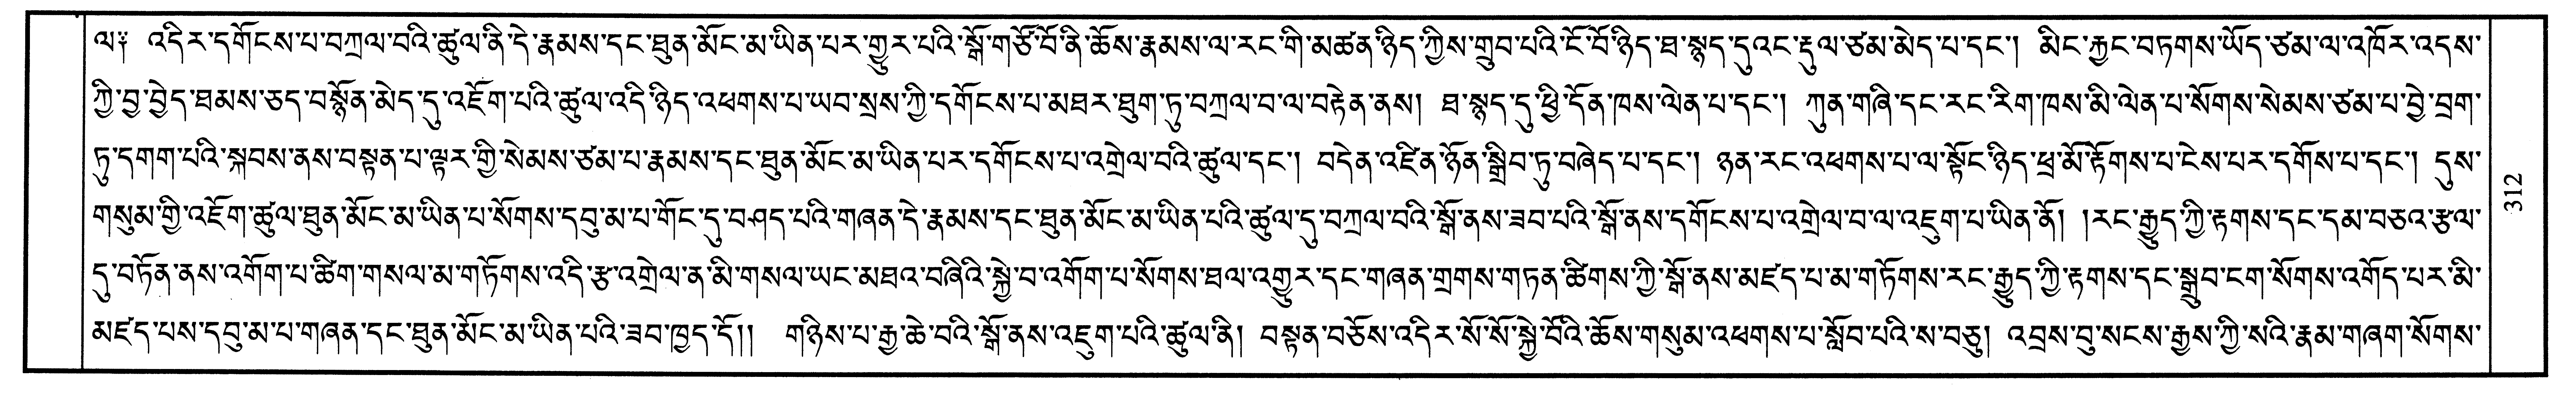ལ༑ འདིར་དགོངས་པ་བཀྲལ་བའི་ཚུལ་ནི་དེ་རྣམས་དང་ཐུན་མོང་མ་ཡིན་པར་གྱུར་པའི་སྒོ་གཙོ་བོ་ནི་ཆོས་རྣམས་ལ་རང་གི་མཚན་ཉིད་ཀྱིས་གྲུབ་པའི་ངོ་བོ་ཉིད་ཐ་སྙད་དུའང་རྡུལ་ཙམ་མེད་པ་དང་། མིང་རྐྱང་བཏགས་ཡོད་ཙམ་ལ་འཁོར་འདས་
ཀྱི་བྱ་བྱེད་ཐམས་ཅད་བསྙོན་མེད་དུ་འཇོག་པའི་ཚུལ་འདི་ཉིད་འཕགས་པ་ཡབ་སྲས་ཀྱི་དགོངས་པ་མཐར་ཐུག་ཏུ་བཀྲལ་བ་ལ་བརྟེན་ནས། ཐ་སྙད་དུ་ཕྱི་དོན་ཁས་ལེན་པ་དང་། ཀུན་གཞི་དང་རང་རིག་ཁས་མི་ལེན་པ་སོགས་སེམས་ཙམ་པ་བྱེ་བྲག་
ཏུ་དགག་པའི་སྐབས་ནས་བསྟན་པ་ལྟར་གྱི་སེམས་ཙམ་པ་རྣམས་དང་ཐུན་མོང་མ་ཡིན་པར་དགོངས་པ་འགྲེལ་བའི་ཚུལ་དང་། བདེན་འཛིན་ཉོན་སྒྲིབ་ཏུ་བཞེད་པ་དང་། ཉན་རང་འཕགས་པ་ལ་སྟོང་ཉིད་ཕྲ་མོ་རྟོགས་པ་ངེས་པར་དགོས་པ་དང་། དུས་
གསུམ་གྱི་འཇོག་ཚུལ་ཐུན་མོང་མ་ཡིན་པ་སོགས་དབུ་མ་པ་གོང་དུ་བཤད་པའི་གཞན་དེ་རྣམས་དང་ཐུན་མོང་མ་ཡིན་པའི་ཚུལ་དུ་བཀྲལ་བའི་སྒོ་ནས་ཟབ་པའི་སྒོ་ནས་དགོངས་པ་འགྲེལ་བ་ལ་འཇུག་པ་ཡིན་ནོ། །རང་རྒྱུད་ཀྱི་རྟགས་དང་དམ་བཅའ་རྩལ་
དུ་བཏོན་ནས་འགོག་པ་ཚིག་གསལ་མ་གཏོགས་འདི་རྩ་འགྲེལ་ན་མི་གསལ་ཡང་མཐའ་བཞིའི་སྐྱེ་བ་འགོག་པ་སོགས་ཐལ་འགྱུར་དང་གཞན་གྲགས་གཏན་ཚིགས་ཀྱི་སྒོ་ནས་མཛད་པ་མ་གཏོགས་རང་རྒྱུད་ཀྱི་རྟགས་དང་སྒྲུབ་ངག་སོགས་འགོད་པར་མི་
མཛད་པས་དབུ་མ་པ་གཞན་དང་ཐུན་མོང་མ་ཡིན་པའི་ཟབ་ཁྱད་དོ།། གཉིས་པ་རྒྱ་ཆེ་བའི་སྒོ་ནས་འཇུག་པའི་ཚུལ་ནི། བསྟན་བཅོས་འདིར་སོ་སོ་སྐྱེ་བོའི་ཆོས་གསུམ་འཕགས་པ་སློབ་པའི་ས་བཅུ། འབྲས་བུ་སངས་རྒྱས་ཀྱི་སའི་རྣམ་གཞག་སོགས་